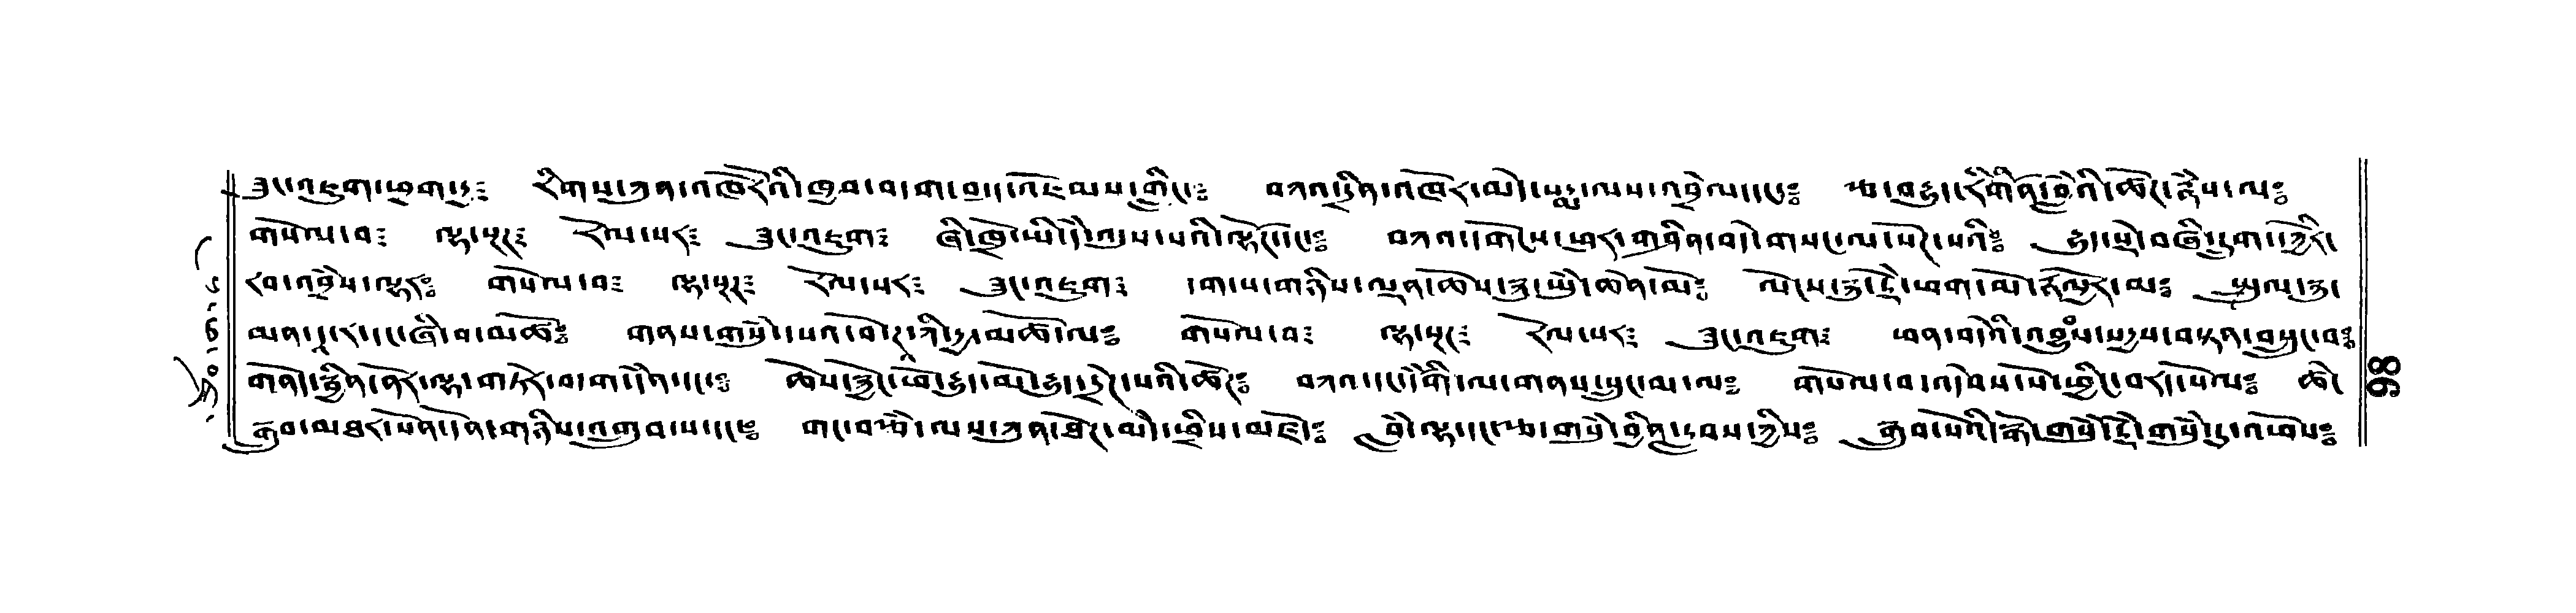ཟུང་འཇུག་ཕྱག་རྒྱ༴ རིགས་ཀུན་འཁོར་ལོའི་ཁྱབ་བདག་བདུད་འཇོམས་གླིང༔ བཀའ་དྲིན་འཁོར་མེད་པདྨ་ལས་འབྲེལ་དང༔ རྩ་བརྒྱུད་རིག་འཛིན་བླ་མའི་ཚོགས་རྣམས་ལ༔ 
གསོལ་བ༴ ལྷ་སྔགས༴ རོལ་པར༴ ཟུང་འཇུག༴ ཞི་ཁྲོ་ཡི་དམ་འདུས་པའི་ལྷ་ཚོགས་དང༔ བཀའ་དགོངས་ཕུར་གཤིན་བདེ་གསང་ལ་སོགས་པའི༔ རྒྱུད་སྡེ་བཞི་དྲུག་དཀྱིལ་འཁོར་
རབ་འབྱམས་ལྷར༔ གསོལ་བ༴ ལྷ་སྔགས༴ རོལ་པར༴ ཟུང་འཇུག༴ དག་པ་གཉིས་ལྡན་ཆོས་སྐུ་ཡུམ་ཆེན་མོ༔ ལོངས་སྐུ་རྡོ་རྗེ་ཕག་མོ་རྣལ་འབྱོར་མ༔ སྤྲུལ་སྐུ་
མན་དཱ་ར་དང་ཞི་བ་མཚོ༔ གནས་གསུམ་དཔའ་བོ་ཌཱ་ཀི་རྒྱ་མཚོ་ལ༔ གསོལ་བ༴ ལྷ་སྔགས༴ རོལ་པར༴ ཟུང་འཇུག༴ ཕན་བདེའི་འབྱུང་གནས་སངས་རྒྱས་བསྟན་སྲུང་བ༔ 
གནོད་སྦྱིན་ནོར་ལྷ་གཏེར་བདག་དམ་ཅན་དང༔ ཆོས་སྐྱོང་ཕོ་རྒྱུད་མོ་རྒྱུད་དྲེགས་པའི་ཚོགས༔ བཀའ་དང་དམ་ཚིག་ལ་གནས་སྲུང་མ་ལ༔ གསོལ་བ་འདེབས་སོ་ཕྱི་ནང་བར་ཆད་གསོལ༔ ཚེ་
སྒྲུབ་མཐར་སོན་དོན་གཉིས་འགྲུབ་པ་དང༔ གང་བརྩམས་ལས་ཀུན་ཐོགས་མེད་ཕྲིན་ལས་མཛོད༔ བླ་མ་ལྷ་དང་རྩ་གསུམ་བྱིན་རླབས་ཀྱིས༔ སྒྲུབ་པོའི་སྒོ་གསུམ་རྡོ་རྗེ་གསུམ་དུ་འཕོས༔